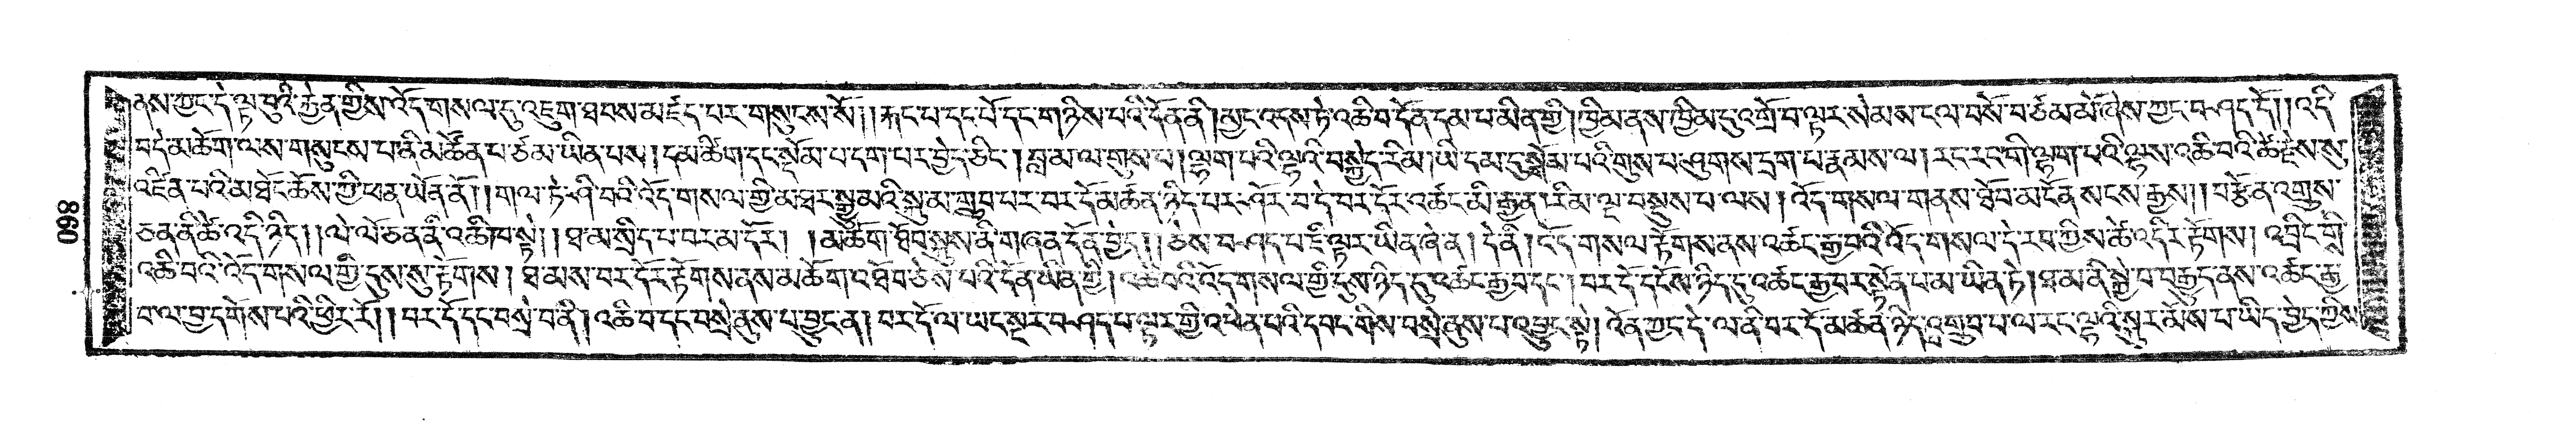ནས་ཀྱང་དེ་ལྟ་བུའི་རྐྱེན་གྱིས་འོད་གསལ་དུ་འཇུག་ཐབས་མཛད་པར་གསུངས་སོ། །རྐང་པ་དང་པོ་དང་གཉིས་པའི་དོན་ནི། མྱང་འདས་ཏེ་འཆི་བ་དོན་དམ་པ་མིན་གྱི། ཁྱིམ་ནས་ཁྱིམ་དུ་འགྲོ་བ་ལྟར་སེམས་ངལ་བསོ་བ་ཙམ་མོ་ཞེས་ཀྱང་བཤད་དོ། །འདི་
བདེ་མཆོག་ལས་གསུངས་པ་ནི་མཚོན་པ་ཙམ་ཡིན་པས། དམ་ཚིག་དང་སྡོམ་པ་དག་པར་བྱེད་ཅིང་། བླ་མ་ལ་གུས་པ། ལྷག་པའི་ལྷའི་བསྐྱེད་རིམ། ཡི་དམ་དུ་སྒོམ་པའི་གུས་པ་ཤུགས་དྲག་པ་རྣམས་ལ། རང་རང་གི་ལྷག་པའི་ལྷས་འཆི་བའི་ཚེ་རྗེས་སུ་
འཛིན་པའི་མཐོང་ཆོས་ཀྱི་ཕན་ཡོན་ནོ། །གལ་ཏེ་ཤི་བའི་འོད་གསལ་གྱི་མཐར་སྒྱུ་མའི་སྐུ་མ་གྲུབ་པར་བར་དོ་མཚན་ཉིད་པར་ཤོར་བ་དེ་བར་དོར་འཚང་མི་རྒྱ་ན། རིམ་ལྔ་བསྡུས་པ་ལས། འོད་གསལ་གནས་ཐོབ་མངོན་སངས་རྒྱས། །བརྩོན་འགྲུས་
ཅན་ནི་ཚེ་འདི་ཉིད། །ལེ་ལོ་ཅན་ནི་འཆི་ཁ་སྟེ། །ཐ་མ་སྲིད་པ་བར་མ་དོར། །མཆོག་ཐོབ་སྐུས་ནི་གཞན་དོན་བྱེད། །ཅེས་བཤད་པ་ཇི་ལྟར་ཡིན་ཞེ་ན། དེ་ནི། འོད་གསལ་རྟོགས་ནས་འཚང་རྒྱ་བའི་འོད་གསལ་དེ་རབ་ཀྱིས་ཚེ་འདིར་རྟོགས། འབྲིང་གིས་
འཆི་བའི་འོད་གསལ་གྱི་དུས་སུ་རྟོགས། ཐ་མས་བར་དོར་རྟོགས་ནས་མཆོག་འཐོབ་ཅེས་པའི་དོན་ཡིན་གྱི། འཆི་བའི་འོད་གསལ་གྱི་དུས་ཉིད་དུ་འཚང་རྒྱ་བ་དང་། བར་དོ་དངོས་ཉིད་དུ་འཚང་རྒྱ་བར་སྟོན་པ་མ་ཡིན་ཏེ། ཐ་མ་ནི་སྐྱེ་བ་བརྒྱུད་ནས་འཚང་རྒྱ་
བ་ལ་བྱ་དགོས་པའི་ཕྱིར་རོ། །བར་དོ་དང་བསྲེ་བ་ནི། འཆི་བ་དང་བསྲེ་ནུས་པ་བྱུང་ན། བར་དོ་ལ་ཡང་སྔར་བཤད་པ་ལྟར་གྱི་འཕེན་པའི་དབང་གིས་བསྲེ་ནུས་པ་འབྱུང་སྟེ། འོན་ཀྱང་དེ་ལ་ནི་བར་དོ་མཚན་ཉིད་པ་འགྲུབ་པ་ལ་རང་ལྷའི་སྐུར་མོས་པ་ཡིད་བྱེད་ཀྱིས་